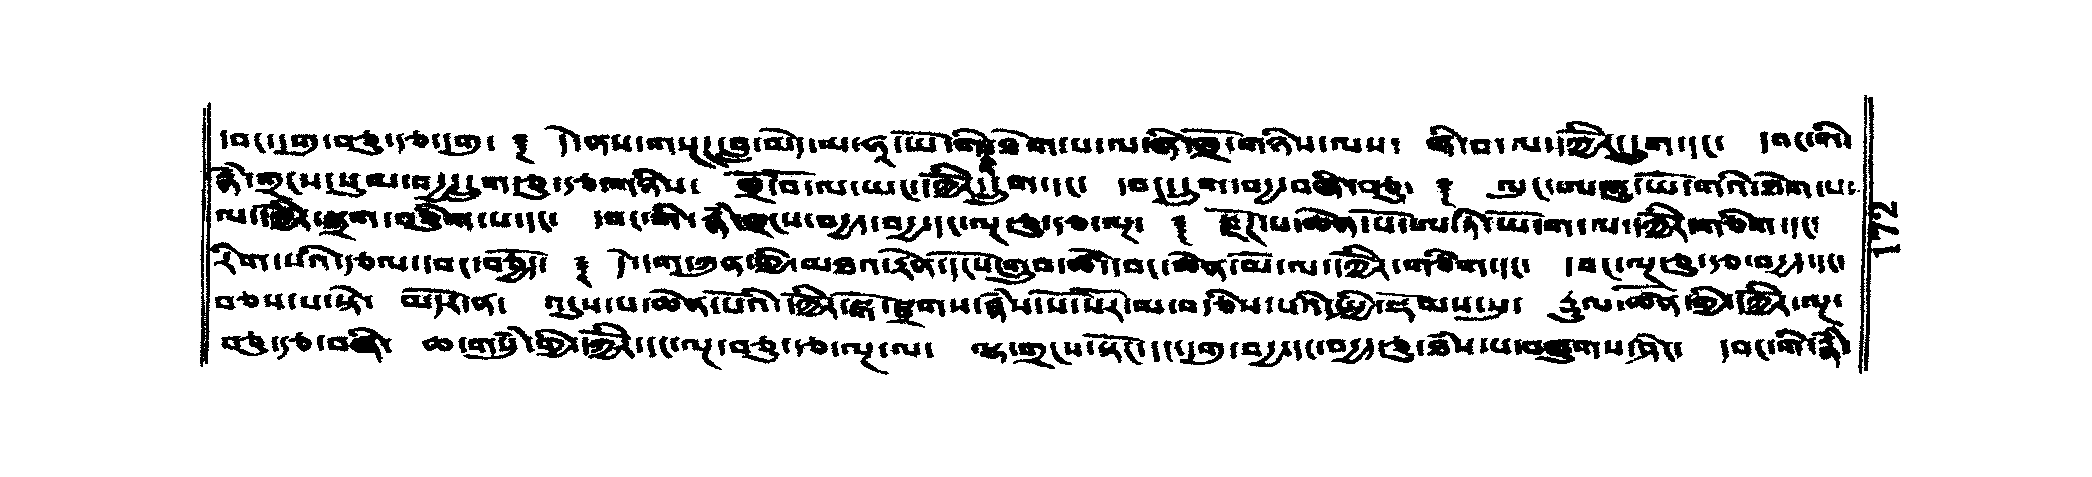དབང་དགུ་བཅུ་རྩ་དགུ དེ་ནས་གསང་སྔགས་བླ་མེད་མ་ཧཱ་ཡོ་གའི་ཐེག་པ་ལ་ཞི་ཁྲོ་གཉིས་ལས། ཞི་བ་ལ་དཀྱིལ་འཁོར་དྲུག་དང་། དབང་གི་
རྣམ་གྲངས་སུམ་བརྒྱ་དྲུག་ཅུ་རྩ་གཉིས། ཁྲོ་བོ་ལ་ཡང་དཀྱིལ་འཁོར་དྲུག་དང་། དབང་དྲུག་བརྒྱ་བཞི་བཅུ། ལུང་ཨ་ནུ་ཡོ་གའི་ཐེག་པ་
ལ་དཀྱིལ་འཁོར་སྒོ་སྦྲགས་བཅུ་གཅིག་པ་དང་། དབང་གི་རྣམ་གྲངས་བརྒྱད་བརྒྱ་དང་ལྔ་ཅུ་རྩ་ལྔ། རྫོགས་པ་ཆེན་པོ་ཨ་ཏི་ཡོ་ག་ལ་དཀྱིལ་འཁོར་གཅིག་དང་། 
རིག་པའི་རྩལ་དབང་བཅོ་བརྒྱད། དེ་དག་ཀུན་གྱི་མཐའ་རྟེན་དངོས་གྲུབ་ཚེ་དབང་ཆེན་མོ་ལ་དཀྱིལ་འཁོར་གཅིག་དང་། དབང་ལྔ་ཅུ་རྩ་བརྒྱད་དང་
བཅས་པ་སྟེ། མདོར་ན། འདུས་པ་ཆེན་པོའི་དཀྱིལ་འཁོར་སྒྲོ་སྦྲགས་རྣམས་སོ་སོར་མ་བརྩིས་པའི་སྤྱི་སྡོམས་སུ། རྡུལ་ཚོན་གྱི་དཀྱིལ་འཁོར་ལྔ་
བཅུ་རྩ་བཞི། ཆ་གསུམ་གྱི་དཀྱིལ་འཁོར་དང་ལྔ་བཅུ་རྩ་ལྔ་ལ། ལྷ་གྲངས་སྟོང་དང་དགུ་བརྒྱ་དང་བརྒྱད་ཅུ་ཐམས་པ་བཞུགས་ཤིང་། དབང་གི་རྣམ་